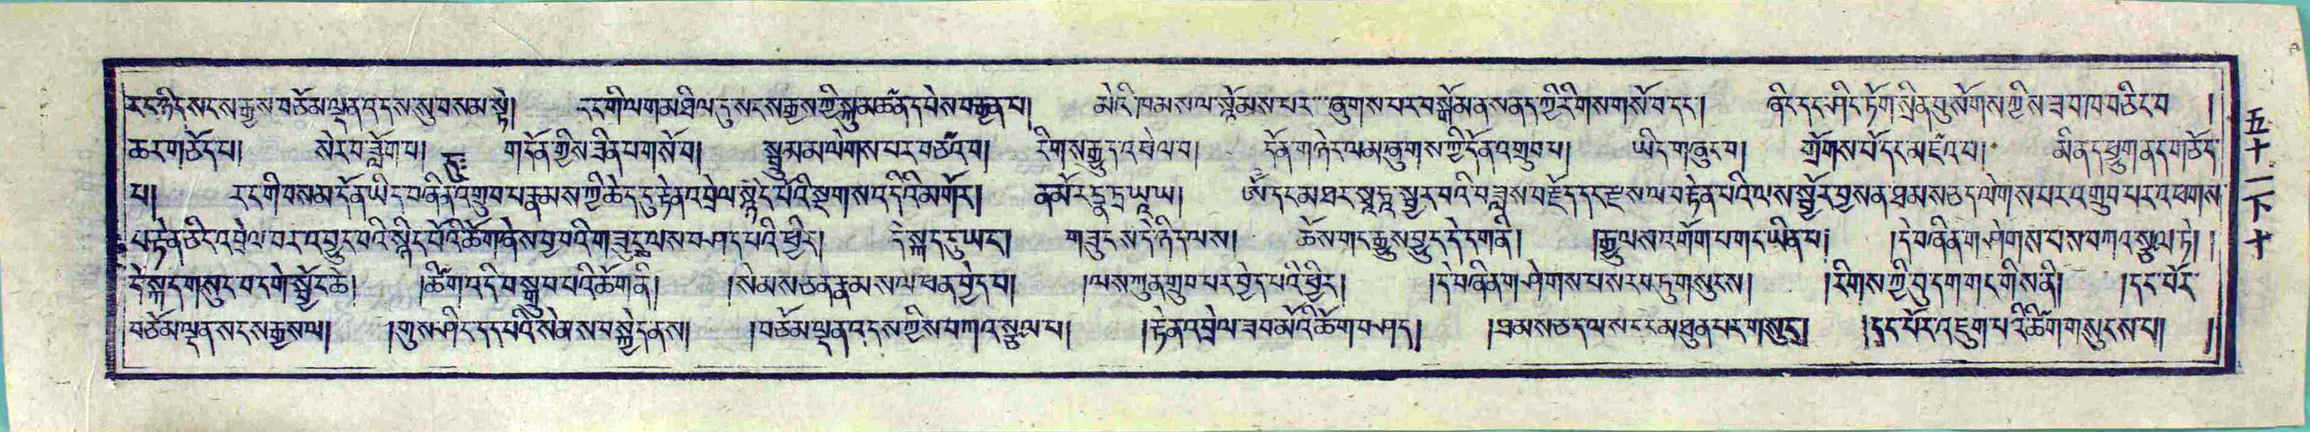རང་ཉིད་སངས་རྒྱས་བཅོམ་ལྡན་འདས་སུ་བསམ་སྟེ། རང་གི་ལག་མཐིལ་དུ་སངས་རྒྱས་ཀྱི་སྐུ་མཚན་དཔེས་བརྒྱན་པ། མིའི་
ཁམས་ལ་སྙོམས་པར་བཞུགས་པར་བསྒོམ་ནས་ནད་ཀྱི་རིགས་གསོ་བ་དང་། ཞིང་དང་ཤིང་ཏོག་སྲིན་བུ་སོགས་ཀྱིས་ཟ་བ་ཁ་བཅིང་བ། ཚར་གཅོད་པ། སེར་བཟློག་པ། གདོན་གྱིས་
ཟིན་པ་གསོ་བ། སྦྲུམ་མ་ལེགས་པར་བཙའ་བ། རིགས་རྒྱུད་འཕེལ་བ། དོན་གཉེར་ལམ་ཞུགས་ཀྱི་དོན་འགྲུབ་པ། ཡིད་གཞུང་བ། གྲོགས་པོ་དང་མཛའ་བ། མི་ནད་ཕྱུག་ནད་
གཅོད་པ། རང་གི་བསམ་དོན་ཡིད་བཞིན་དུ་འགྲུབ་པ་རྣམས་ཀྱི་ཆེད་དུ་རྟེན་འབྲེལ་སྙིང་པོའི་སྔགས་འདིའི་མགོར། ན་མོ་རདྣ་དྲ་ཡཱ་ཡ། ཨོཾ་དང་མཐར་སྭཱ་ཧཱ་སྦྱར་བའི་བཟླས་བརྗོད་
དང་རྫས་ལ་བརྟེན་པའི་ལས་སྦྱོར་བྱས་ན་ཐམས་ཅད་ལེགས་པར་འགྲུབ་པར་འཕགས་པ་རྟེན་ཅིང་འབྲེལ་བར་འབྱུང་བའི་སྙིང་པོའི་ཆོ་ག་ཞེས་བྱ་བའི་གཟུངས་ལས་བཤད་པའི་ཕྱིར། །༄༅། །དེ་སྐད་དུ་ཡང་། གཟུངས་དེ་ཉིད་ལས། ཆོས་གང་རྒྱུས་བྱུང་དེ་དག་ནི། རྒྱུ་ལས་འགོག་པ་གང་ཡིན་པ། དེ་བཞིན་གཤེགས་པས་བཀའ་སྩལ་ཏེ།
དེ་སྐད་གསུང་བ་དགེ་སྦྱོང་ཆེ། ཚིག་འདི་བསྒྲུབ་པའི་ཆོ་ག་ནི། །སེམས་ཅན་རྣམས་ལ་ཕན་བྱེད་པ། །ལས་ཀུན་གྲུབ་པར་བྱེད་པའི་ཕྱིར། །དེ་བཞིན་གཤེགས་པས་རབ་ཏུ་
གསུངས། །རིགས་ཀྱི་བུ་དག་གང་གིས་ནི། །དང་པོར་བཅོམ་ལྡན་སངས་རྒྱས་ལ། །གུས་ཤིང་དང་པའི་སེམས་བསྐྱེད་ནས། །བཅོམ་ལྡན་འདས་ཀྱིས་བཀའ་སྩལ་པ། །རྟེན་
འབྲེལ་ཟབ་མའི་ཆོ་ག་བཤད། །ཐམས་ཅད་ལས་དང་མཐུན་པར་གསུང་། །དང་པོར་འཇུག་པའི་ཚིག་གསུངས་པ།